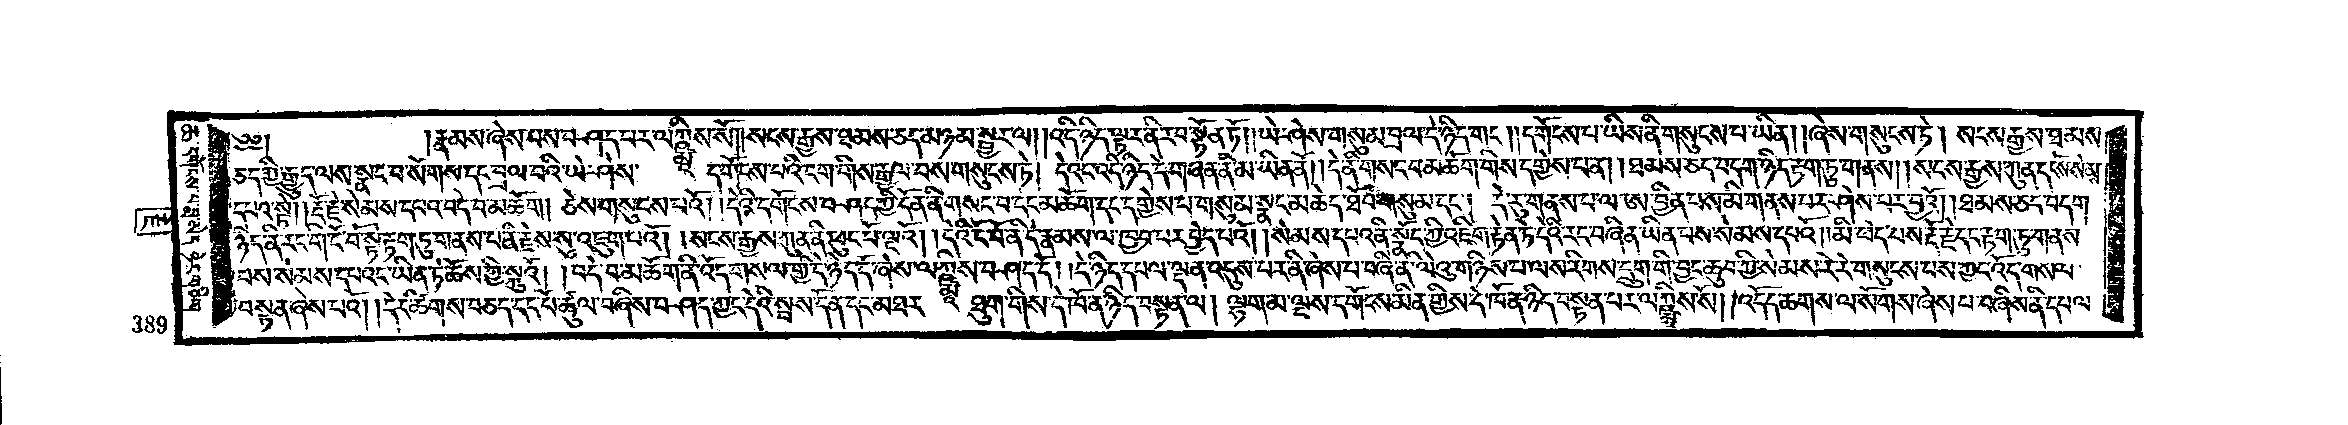༄༅། །རྣམས་ཞེས་པས་བཤད་པར་ལཀྵྨཱིས་སོ། །སངས་རྒྱས་ཐམས་ཅད་མཉམ་སྦྱོར་ལ། །འདི་ཉིད་ལྟར་ནི་རབ་སྟོན་ཏོ། །ཡེ་ཤེས་གསུམ་བྲལ་དེ་ཉིད་གང་། །དགོངས་པ་ཡིས་ནི་གསུངས་པ་ཡིན། །ཞེས་གསུངས་ཏེ། སངས་རྒྱས་ཐམས་
ཅད་ཀྱི་རྒྱུད་ལས་སྣང་བ་སོགས་དང་བྲལ་བའི་ཡེ་ཤེས་དགོངས་པའི་ངག་གིས་རྒྱལ་བས་གསུངས་ཏེ། དེའང་འདི་ཉིད་དེ་གཞན་ནི་མ་ཡིན་ནོ། །དེ་ནི་གསང་བ་མཆོག་གིས་དགྱེས་པ་ན། །ཐམས་ཅད་བདག་ཉིད་རྟག་ཏུ་གནས། །སངས་རྒྱས་ཀུན་དངོས་སེམས་
དཔའ་སྟེ། །རྡོ་རྗེ་སེམས་དཔའ་བདེ་བ་མཆོག །ཅེས་གསུངས་པའོ། །དེའི་དགོངས་བཤད་ཀྱི་དོན་ནི་གསང་བ་དང་མཆོག་དང་དགྱེས་པ་གསུམ་སྣང་མཆེད་ཐོབ་གསུམ་དང་། དེ་རུ་གནས་པ་ལ་ཨ་བྱིན་པས་མི་གནས་པར་ཤེས་པར་བྱའོ། །ཐམས་ཅད་བདག་
ཉིད་ནི་རང་གི་ངོ་བོ་སྟེ་རྟག་ཏུ་གནས་པ་ནི་རྗེས་སུ་འཇུག་པའོ། །སངས་རྒྱས་ཀུན་ནི་ཕུང་པོ་ལྔའོ། །དེའི་ངོ་བོ་ནི་དེ་རྣམས་ལ་ཁྱབ་པར་བྱེད་པའོ། །སེམས་དཔའ་ནི་སྣོད་ཀྱི་འཇིག་རྟེན་ཏེ་དེའི་རང་བཞིན་ཡིན་པས་སེམས་དཔའོ། །མི་ཕྱེད་པས་རྡོ་རྗེ་དང་རྟག་ཏུ་གནས་
པས་སེམས་དཔའང་ཡིན་ཏེ་ཆོས་ཀྱི་སྐུའོ། །བདེ་བ་མཆོག་ནི་འོད་གསལ་གྱི་དེ་ཉིད་དོ་ཞེས་ལཀྵྨཱིས་བཤད་དོ། །དེ་ཉིད་དཔལ་ལྡན་འདུས་པར་ནི་ཞེས་པ་བཞི་ནི་ལེའུ་གཉིས་པ་ལས་རིགས་དྲུག་གི་བྱང་ཆུབ་ཀྱི་སེམས་རེ་རེ་གསུངས་པས་ཀྱང་འོད་གསལ་
བསྟན་ཞེས་པའོ། །དེར་ཚིགས་བཅད་དང་པོ་ཚུལ་བཞིས་བཤད་ཀྱང་དེའི་སྦས་དོན་དང་མཐར་ཐུག་གིས་དེ་ཁོ་ན་ཉིད་བསྟན་ལ། ལྷག་མ་ལྔས་དགོངས་མིན་གྱིས་དེ་ཁོ་ན་ཉིད་བསྟན་པར་ལཀྵྨཱིས་སོ། །འདོད་ཆགས་ལ་སོགས་ཞེས་པ་བཞིས་ནི་དཔལ་